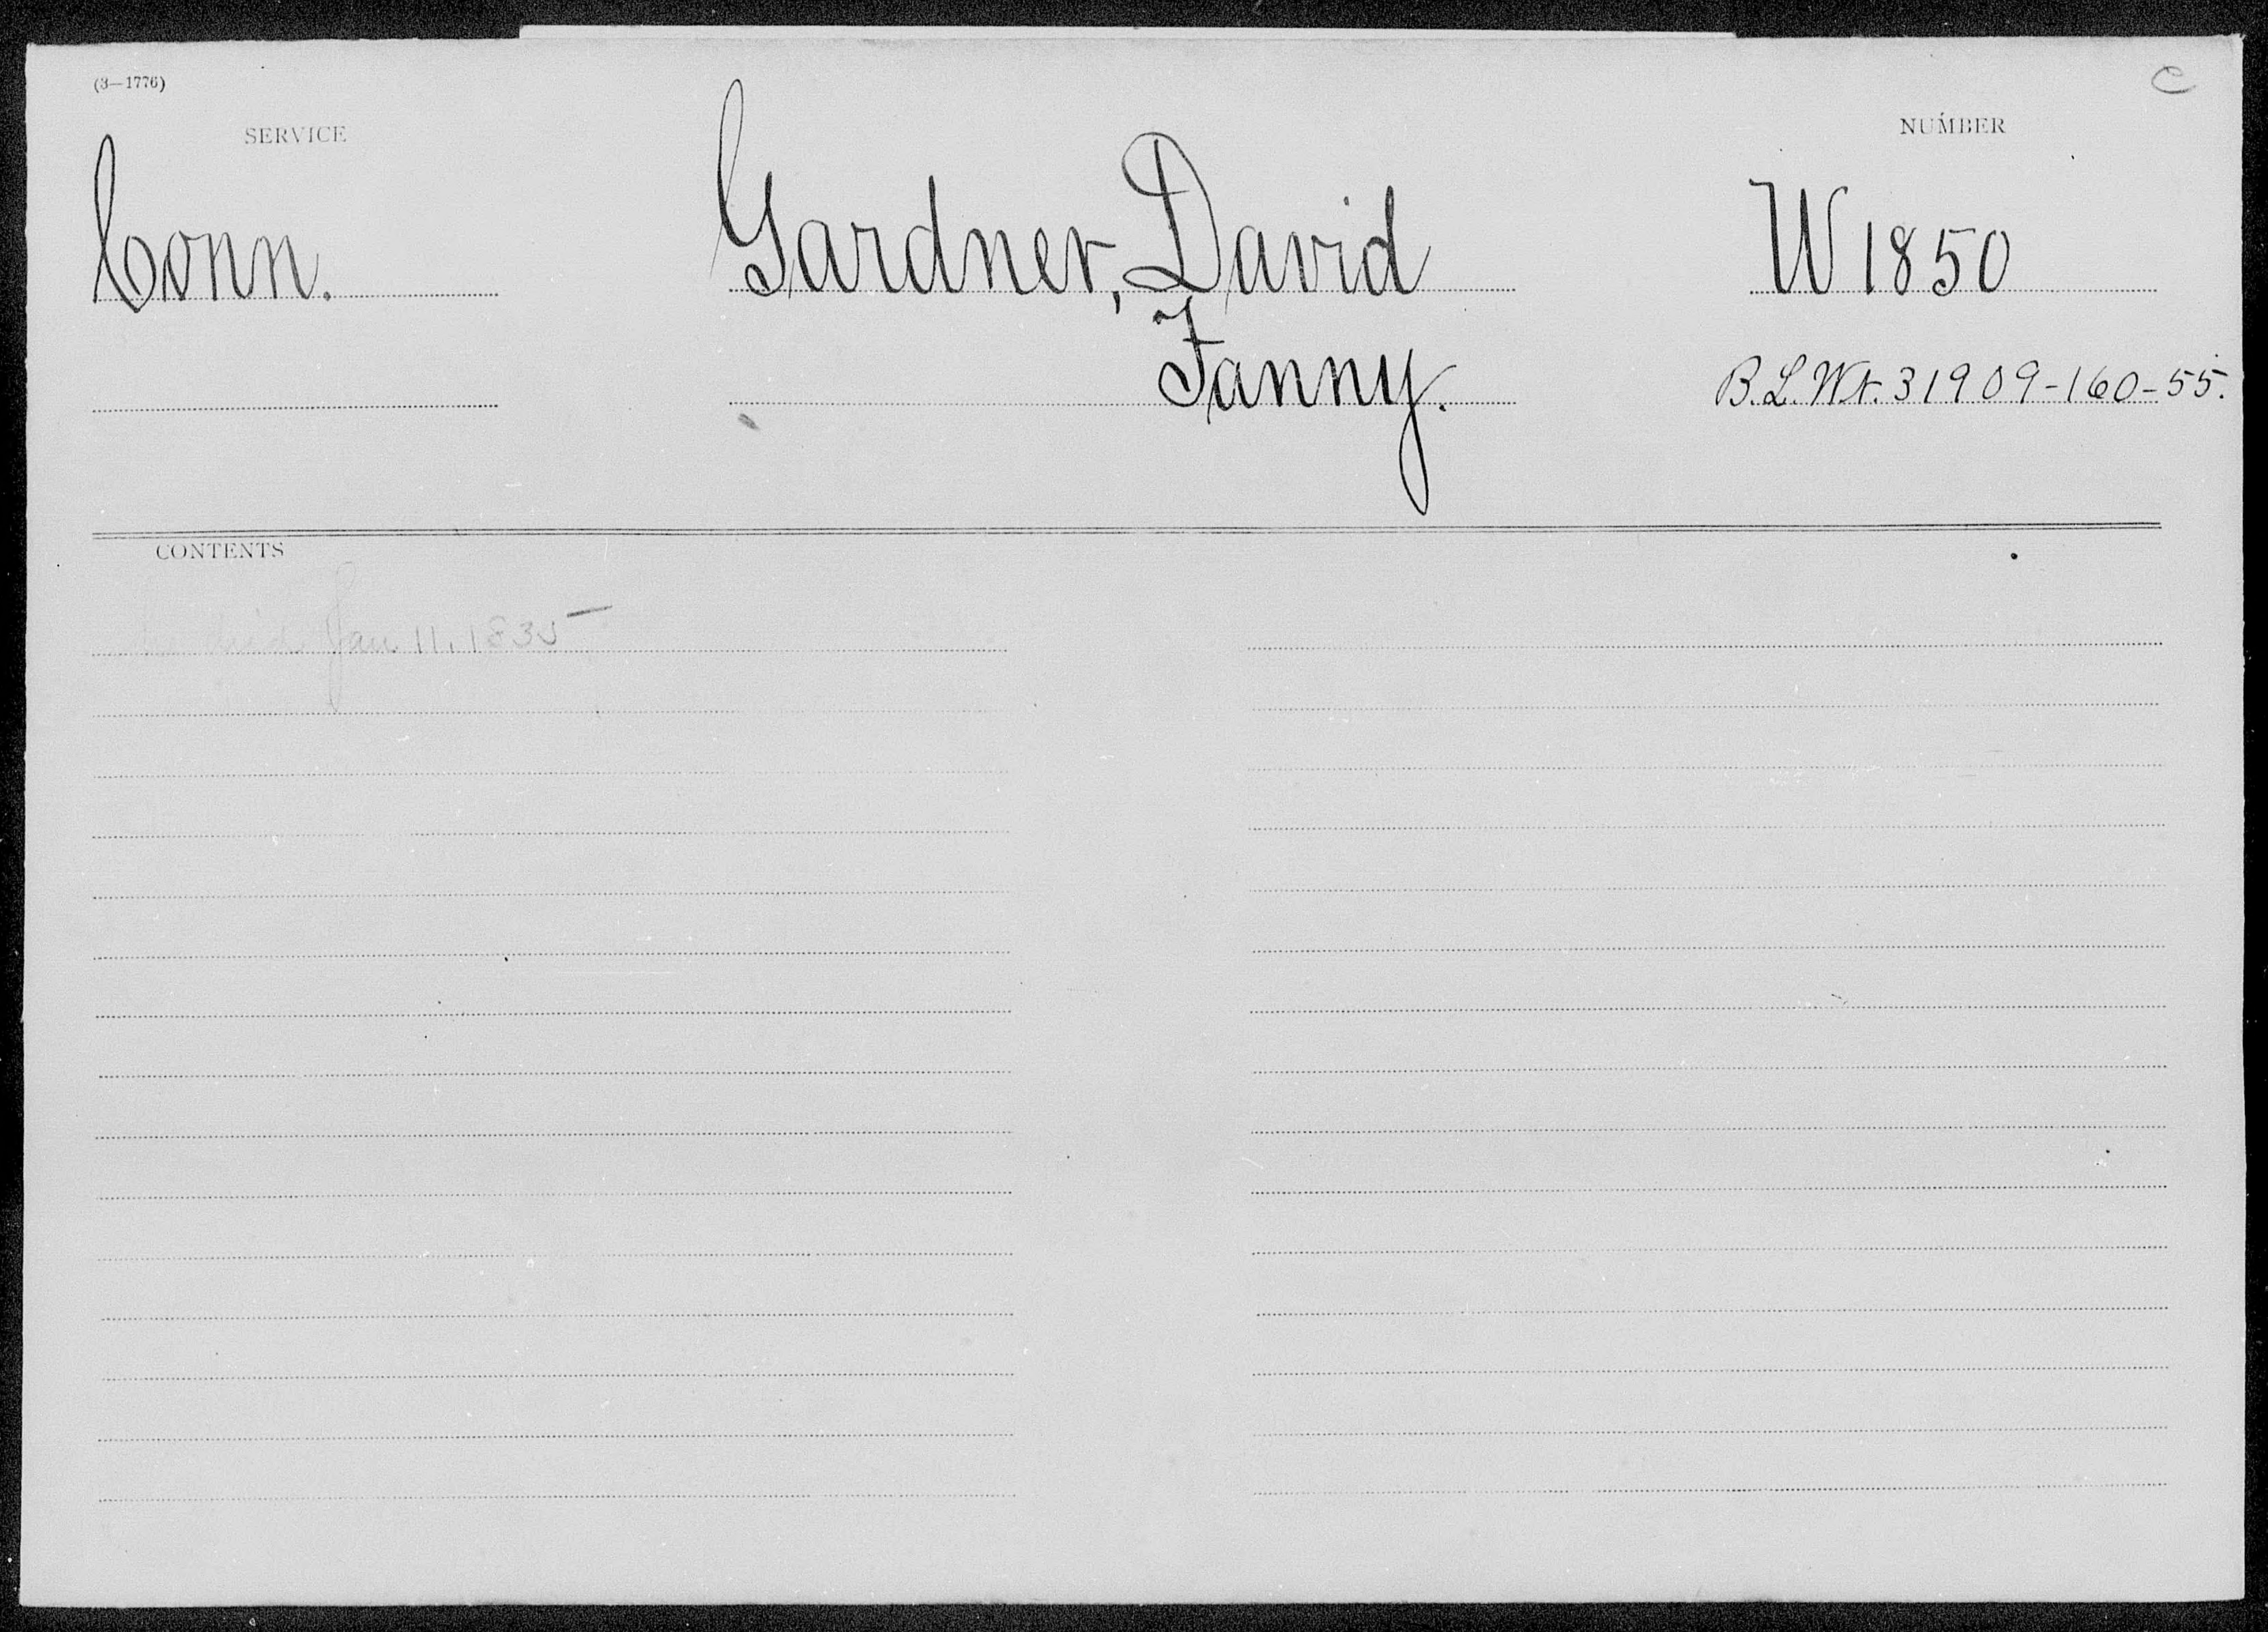(3-1776)
SERVICE
Conn.

Gardner, David 
               Fanny 

NUMBER
W1850 

B.L. Wt. 31909-160-55

CONTENTS
he died Jan 11, 1835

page: 1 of 66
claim: widow's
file: W 1850, David Gardner, Conn.